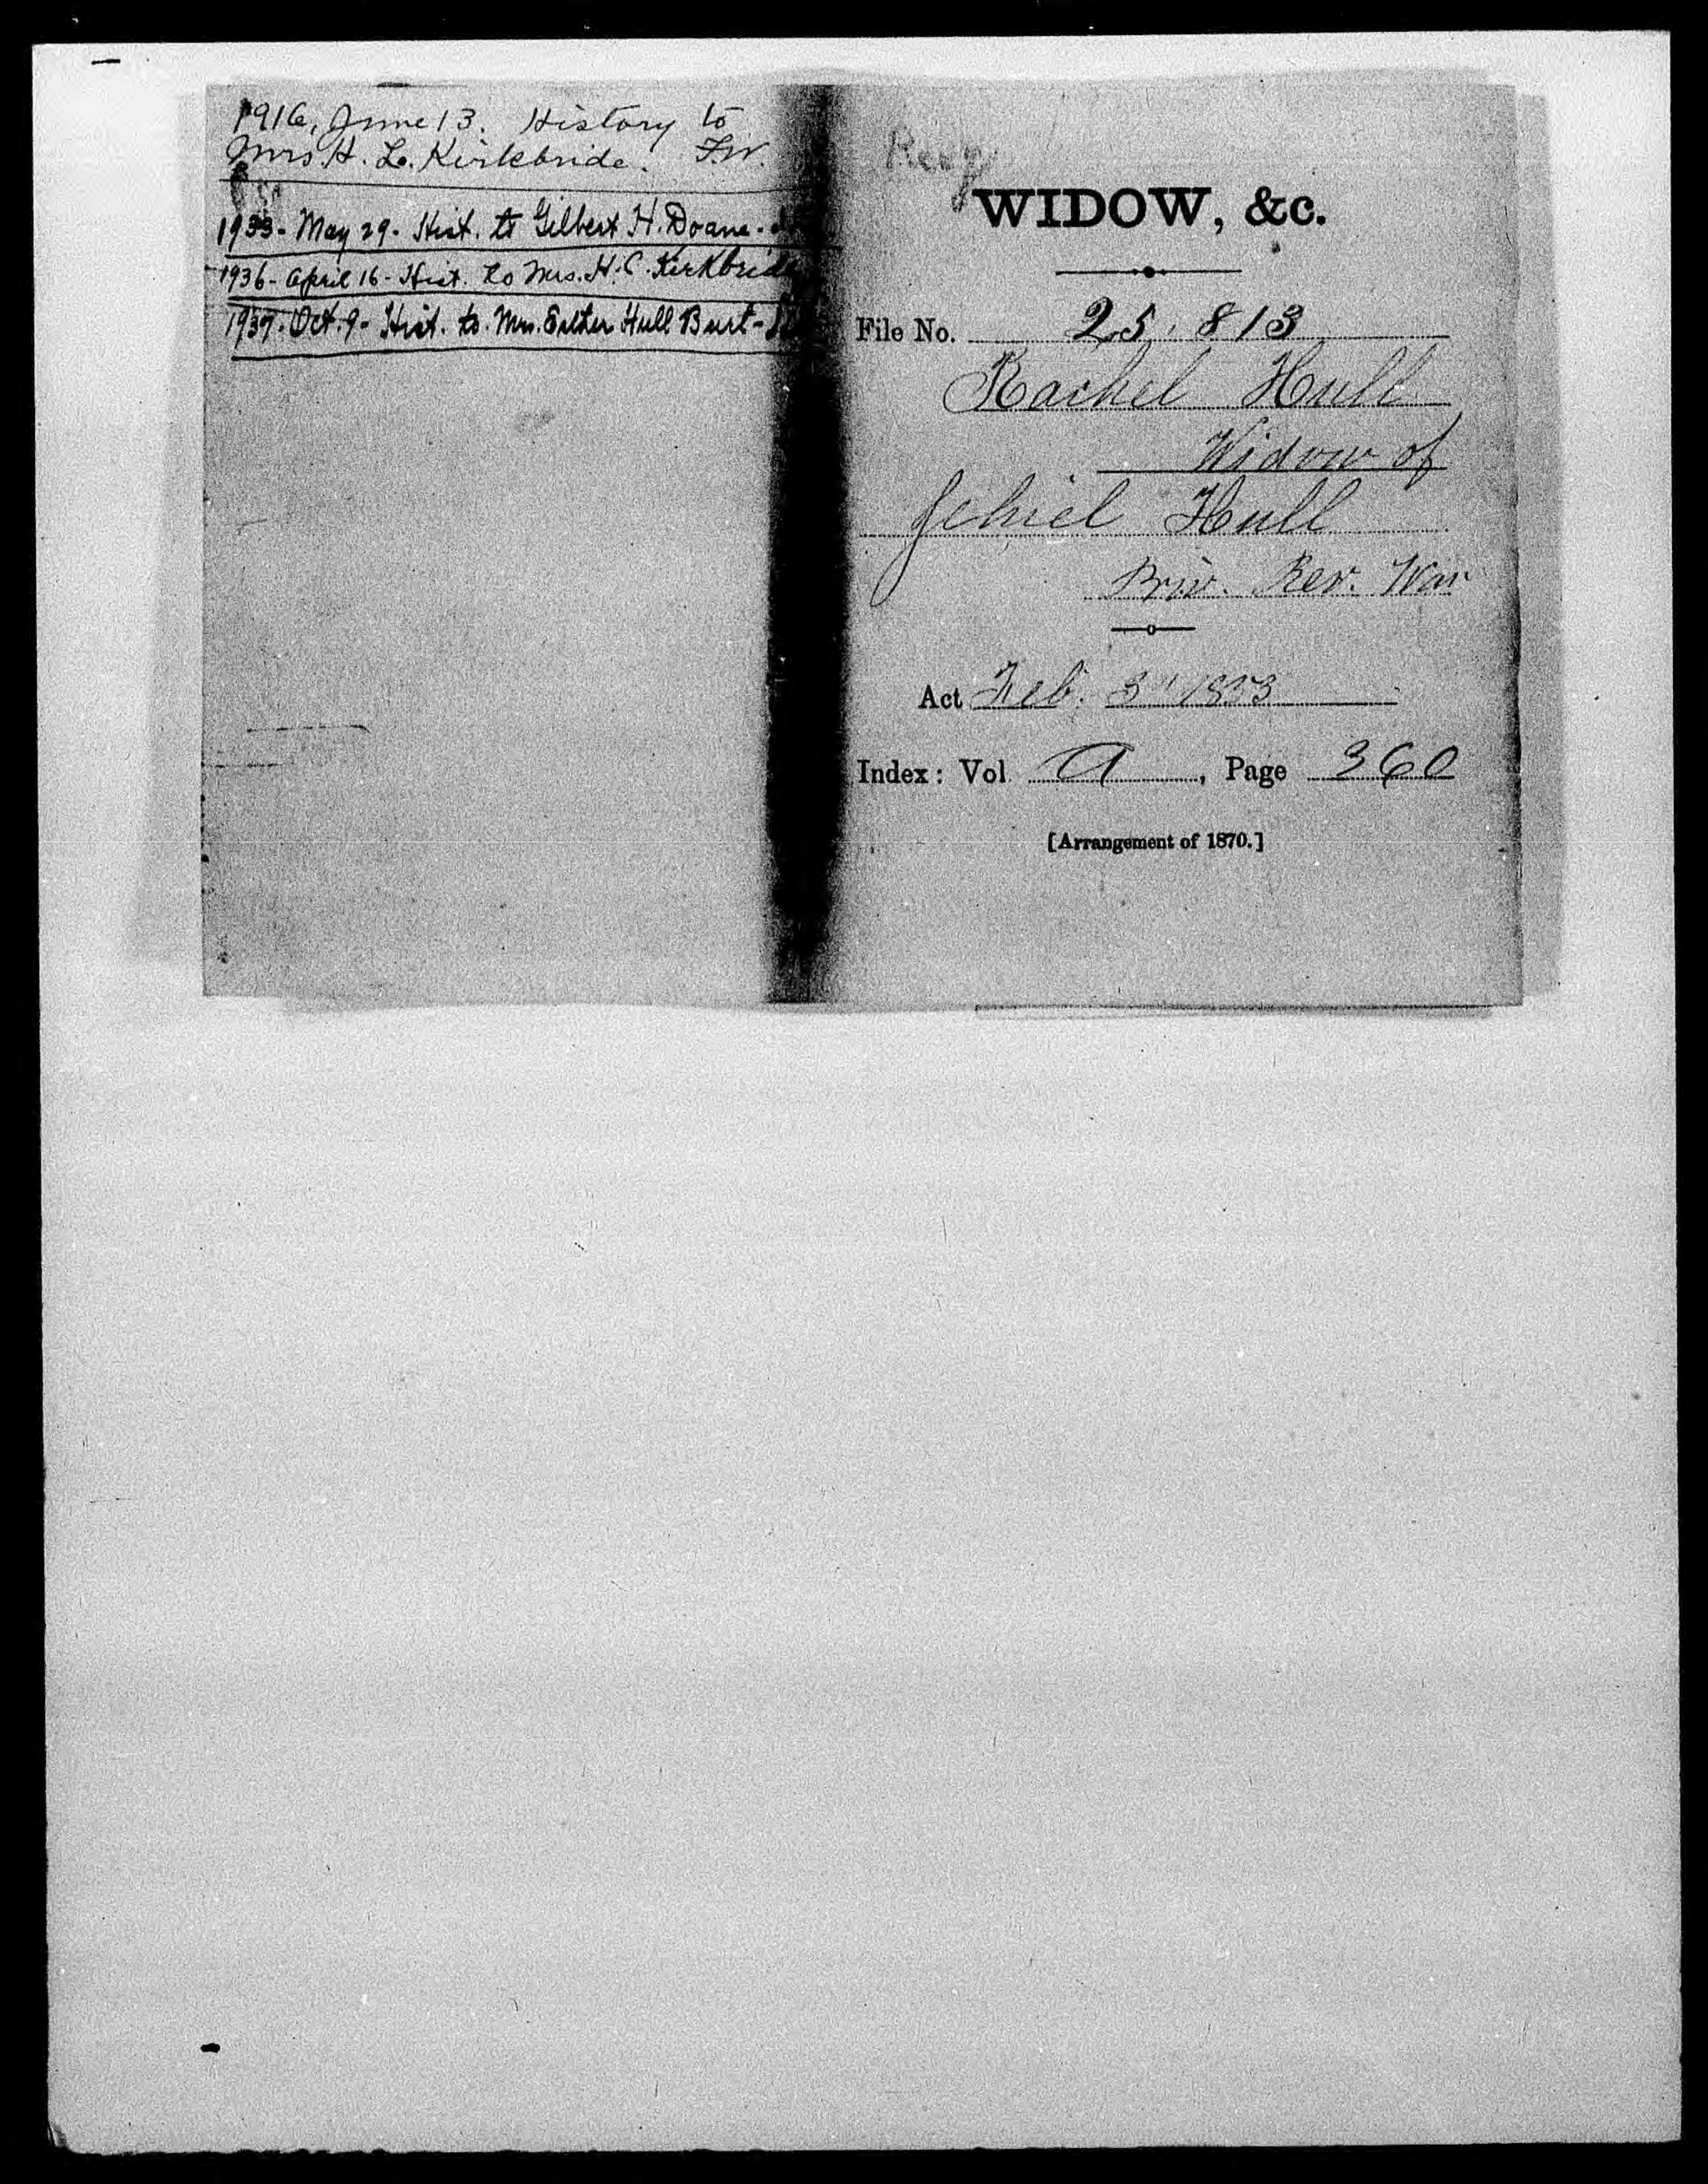1916, June 13 History to Mrs H.C. Kirkbride
----
1933- May 29- History to Gibert H Doane - [Unsure]
----
1936- April 16- History to Mrs H.C. Kirkbride- [Unsure]
----
1937- October 9- History to Mrs Esther Hull Burt- [Unsure]


Widow, &c.
File No. 25.813
Rachcel Hull widow of Jehiel Hull

[Unsure]. Rev. War
Act Feb 3, 1833
Index : Vol 9, Page 360

{Arrangement of 1870}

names: Esther Hull Burt, H L Kirkbride, Rachel Hull, H C Kirkbride, Jehiel Hull, Gilbert H Doane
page: 32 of 58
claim: widow's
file: W. 25813, Jehiel Hull, Conn.